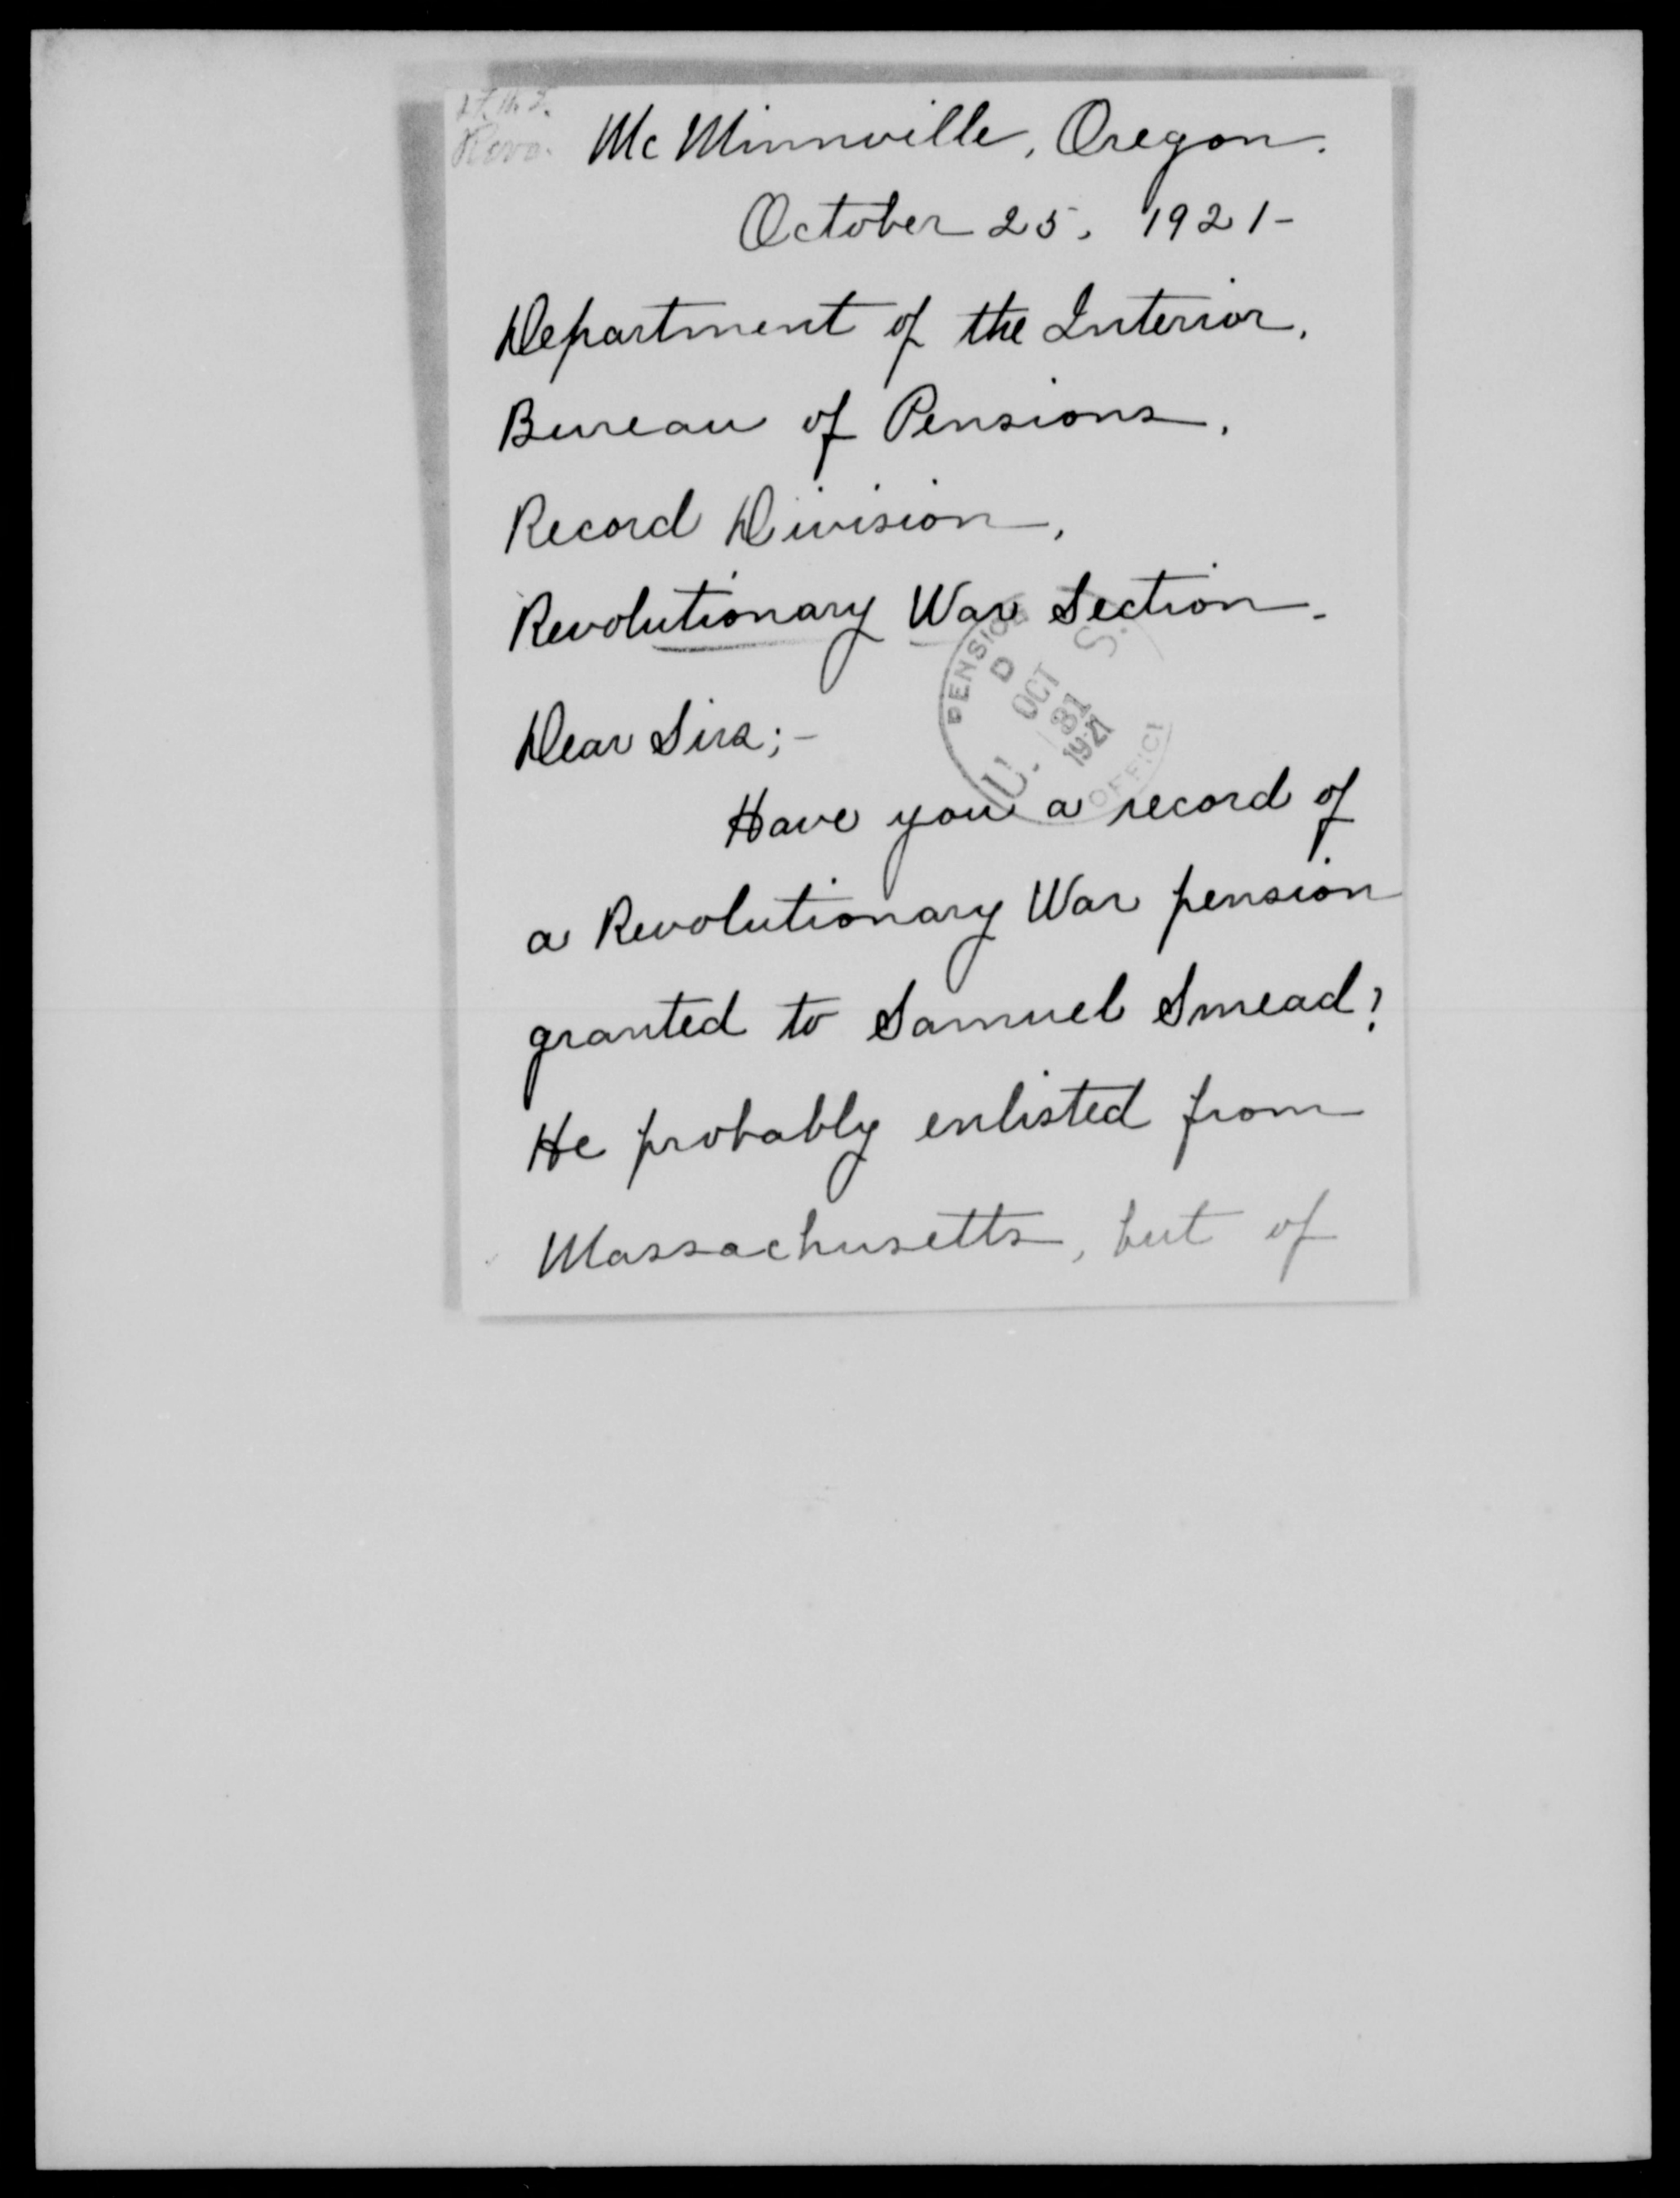McMinnville, Oregon
October 25, 1921
Department of the Interior
Bureau of Pensions
Record Division
Revolutionary War Section
Dear Sirs;
Have you a record of a Revolutionary War pension granted to Samuel Smead?  He probably enlisted from Massachusetts, but of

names: Samuel Smead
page: 12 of 18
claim: survivor's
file: S. 18,605, for Samuel Smead, Massachusetts